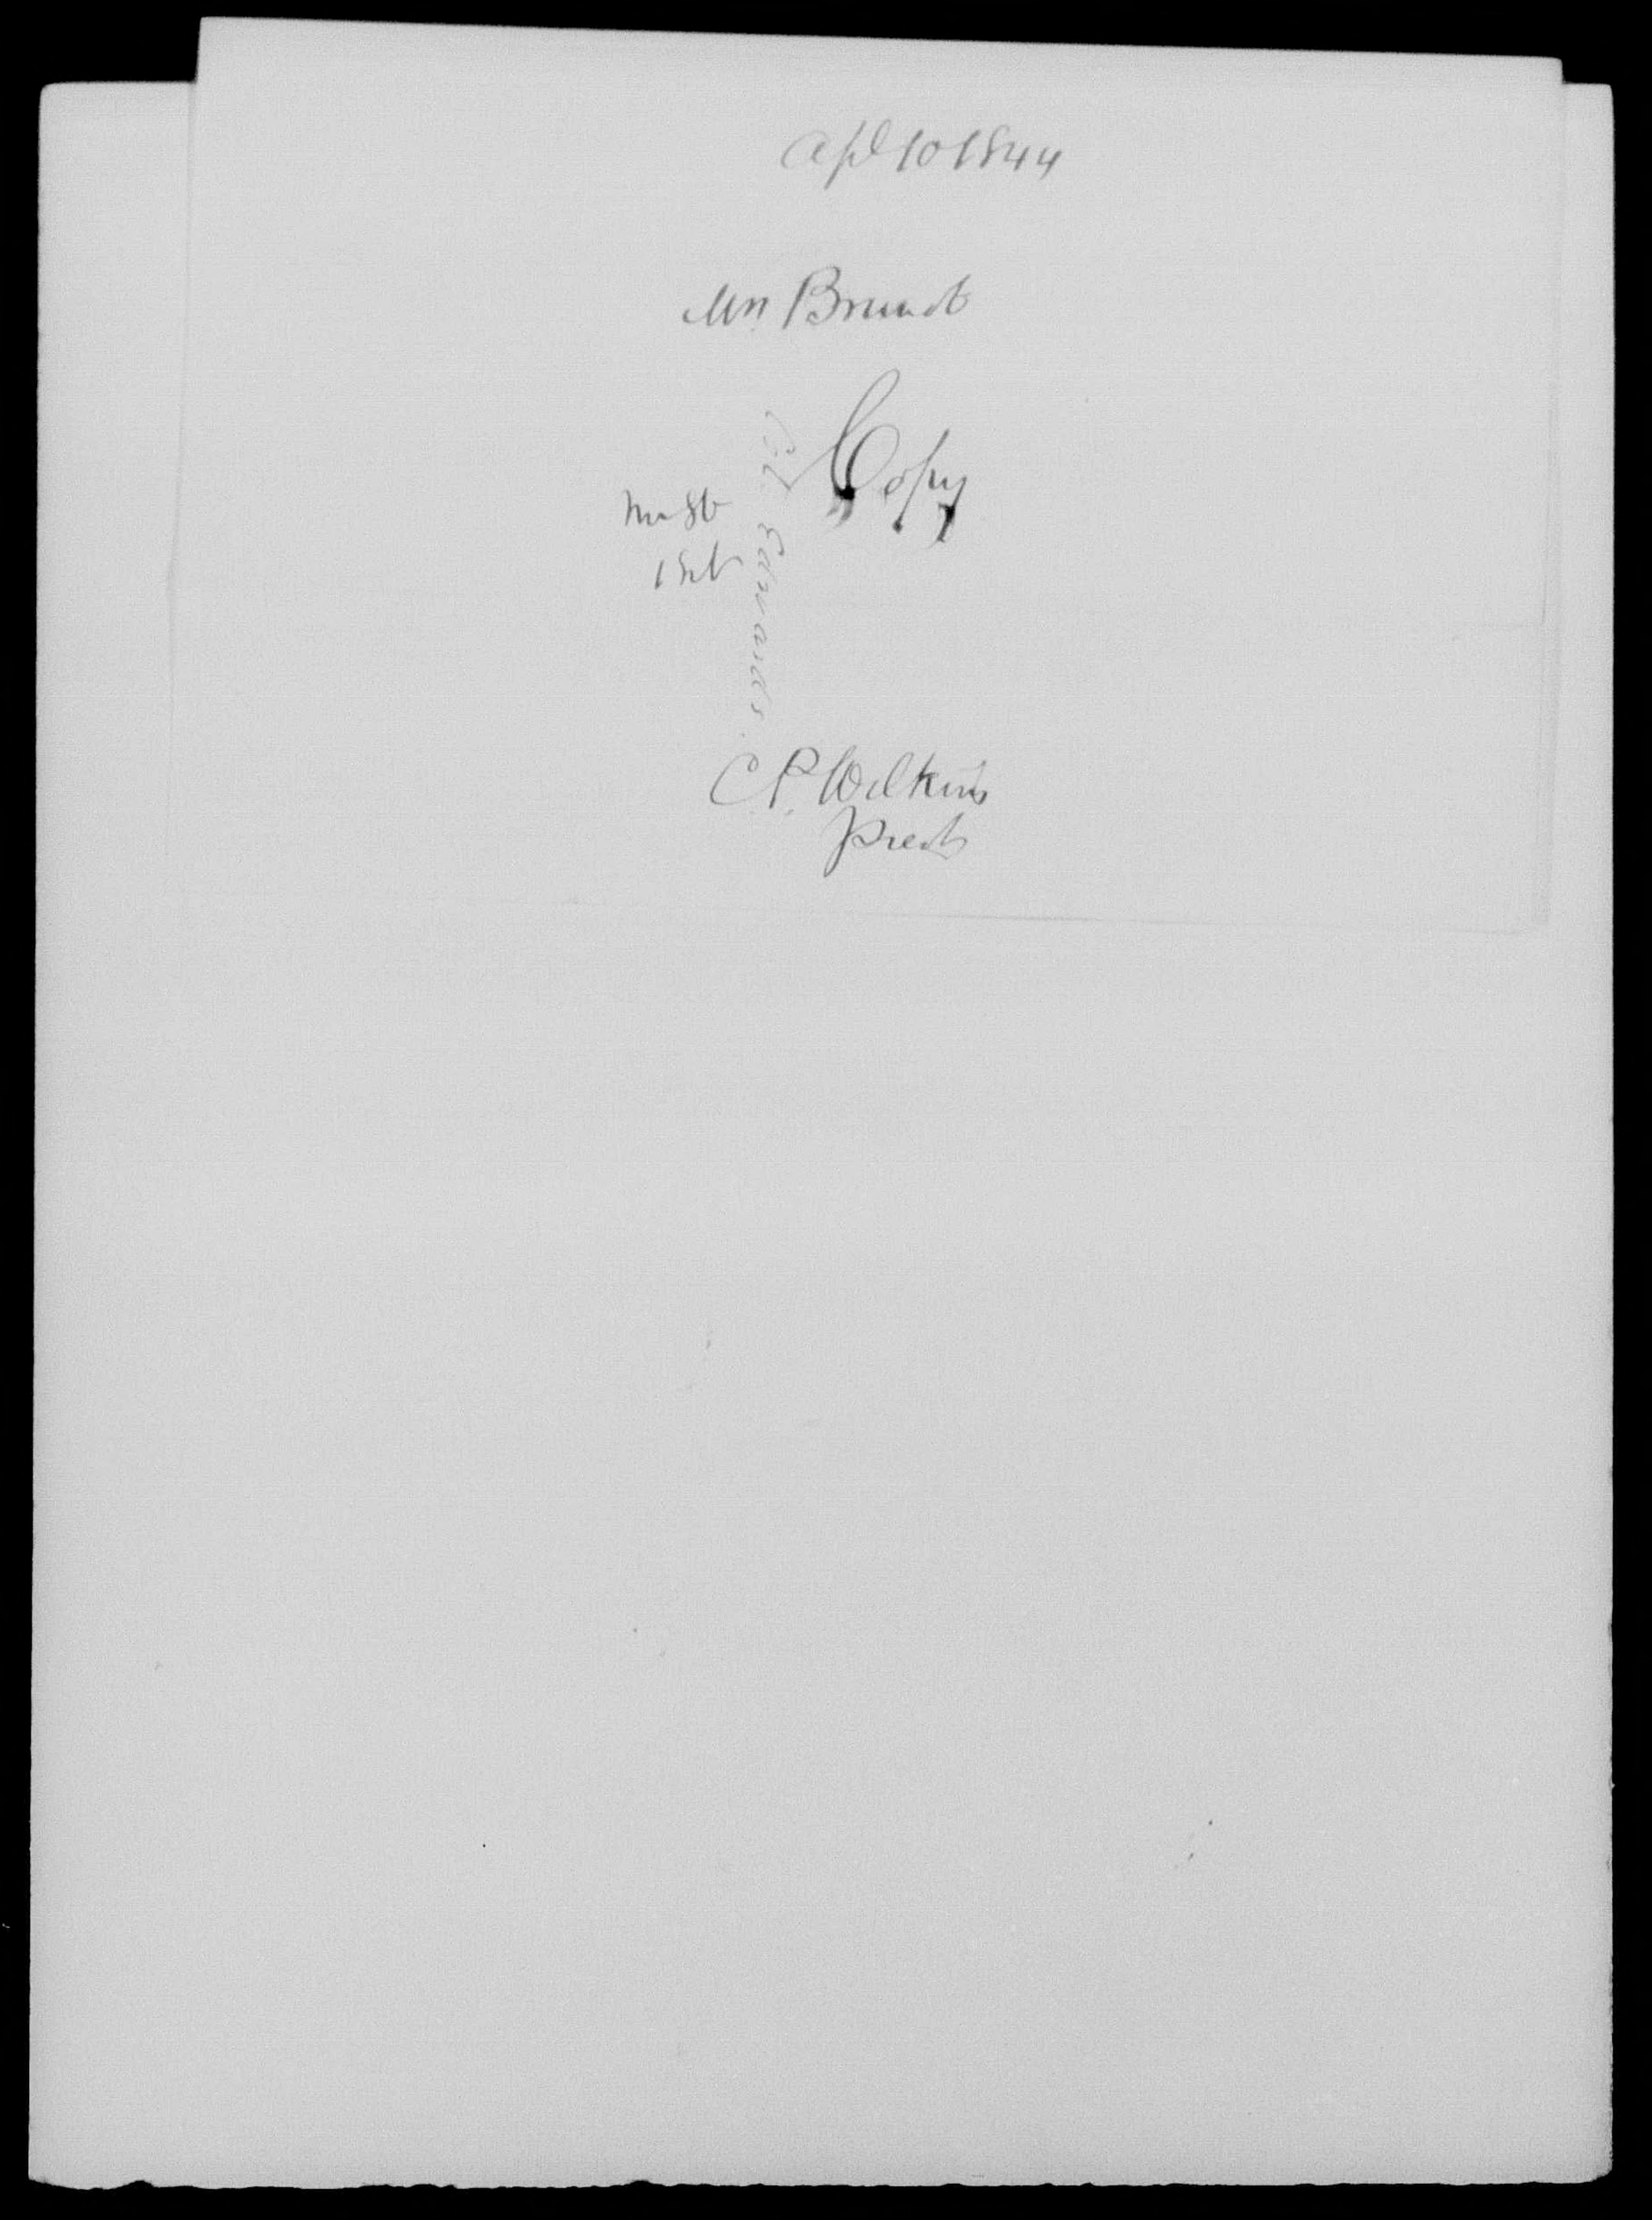April 10 1844
Mrs. Brunot
Copy
CP Wilkins
Pres
Col. Edwards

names: Brunot, C P Wilkins, J L Edwards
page: 22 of 34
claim: rejected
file: R. 1371, Felix Brunot, Penn.